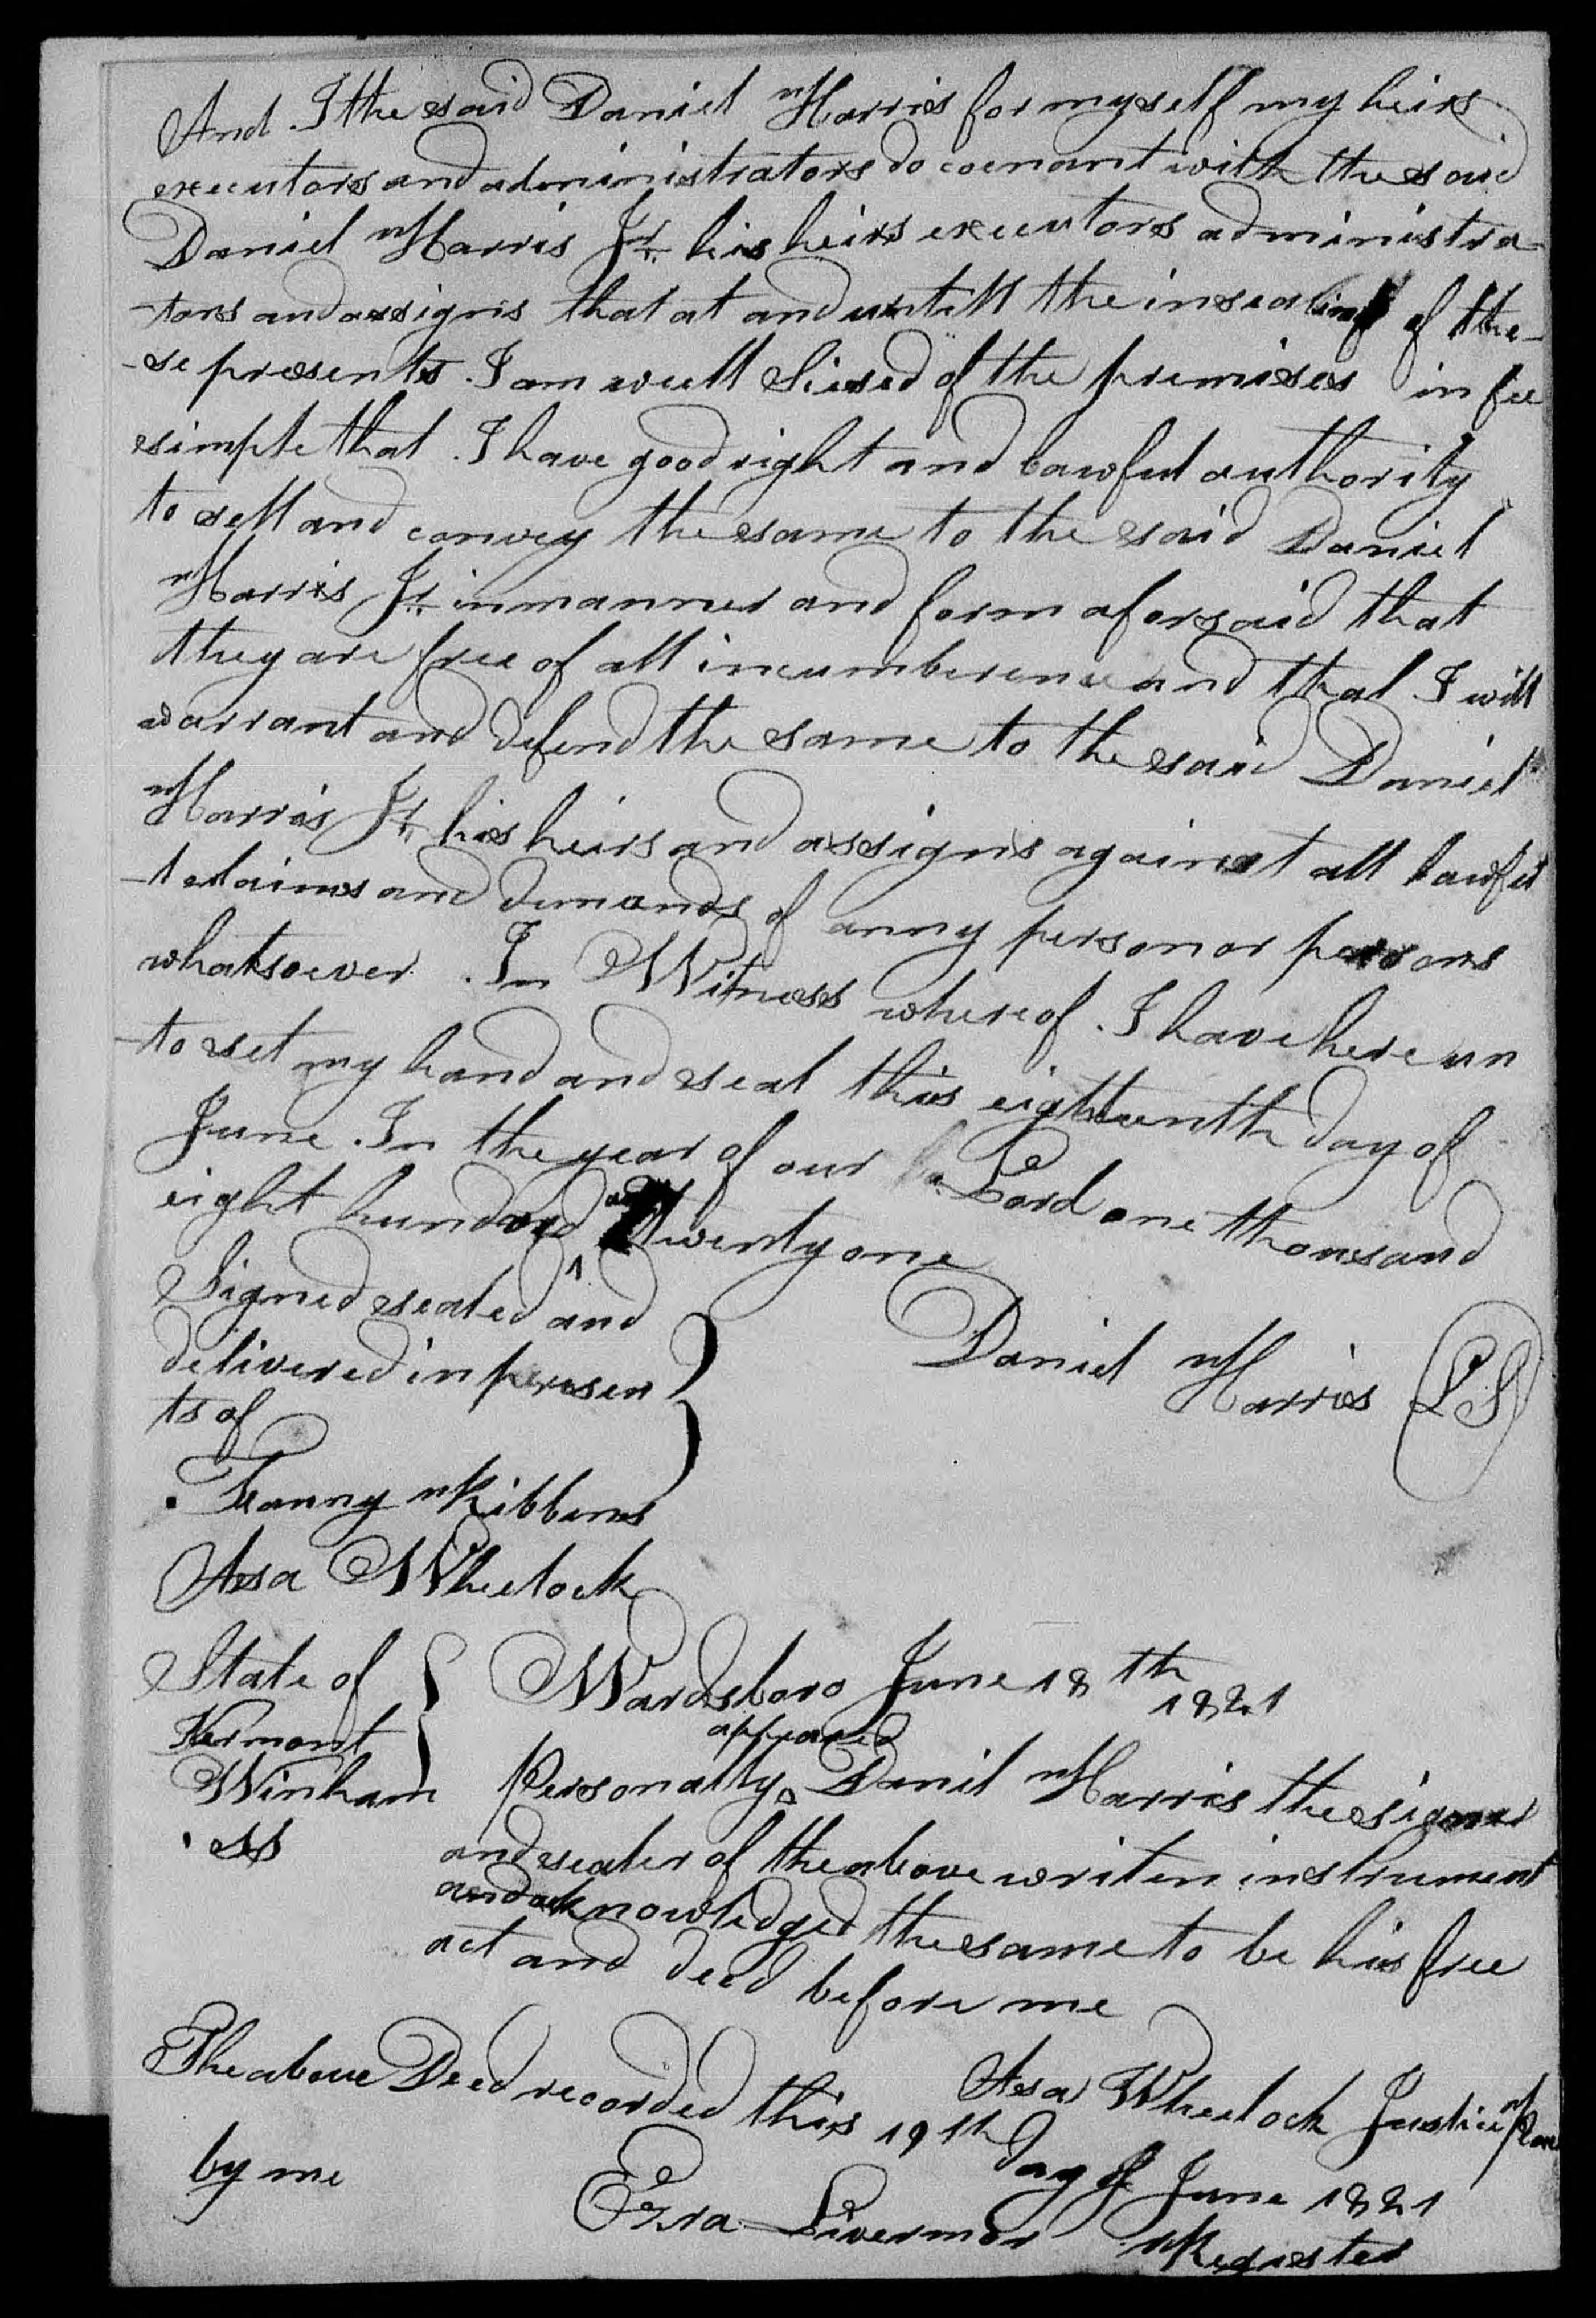And the said Daniel Harris for myself my his(?) and administrators do (?) with this and Daniel Harris Jr. his heirs executors & administrators and  assigns that at and until the (?) of these presents  I am well (?) of the premises in (?) & simple that I have good sight and lawful authority to sell and convey the same to the said Daniel Harris Jr in manners and (?) aforesaid that they are free of all incumbrances and that I will (?) and defend the same to the said Daniel Harris Jr his heirs and assigns against all lawful claims and demands of every person or persons whatsoever. 

In Witness whereof I have hereunto set my hand and seal this eighteenth day of June in the year of our Lord one thousand eight hundred twenty one

Signature of Daniel Harris

Signed sealed and delivered in presents of 
Fanny Kibbons
Asa Wheelock

State of Vermont
Windham ss. 

Wardsboro  June 18th 1824
Personally appeared Daniel Harris the signer and sealer of the above writin pursuant and acknowledged the same to be his free act and deed before me 
Signature of Asa Wheelock  Justice of the Peace

The above Deed recorded this 19th day of June 1821 by me 
Signature of Ersa Livermor  Register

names: Danil Harris, Daniel Harris, Asa Wheelock, Daniel Harris, Ezra Livermor, Daniel Harris, Asa Wheelock, Fanny Kibbons, Daniel Harris, Daniel Harris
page: 49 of 68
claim: survivor's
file: S. 29,877, Daniel Harris, Mass.